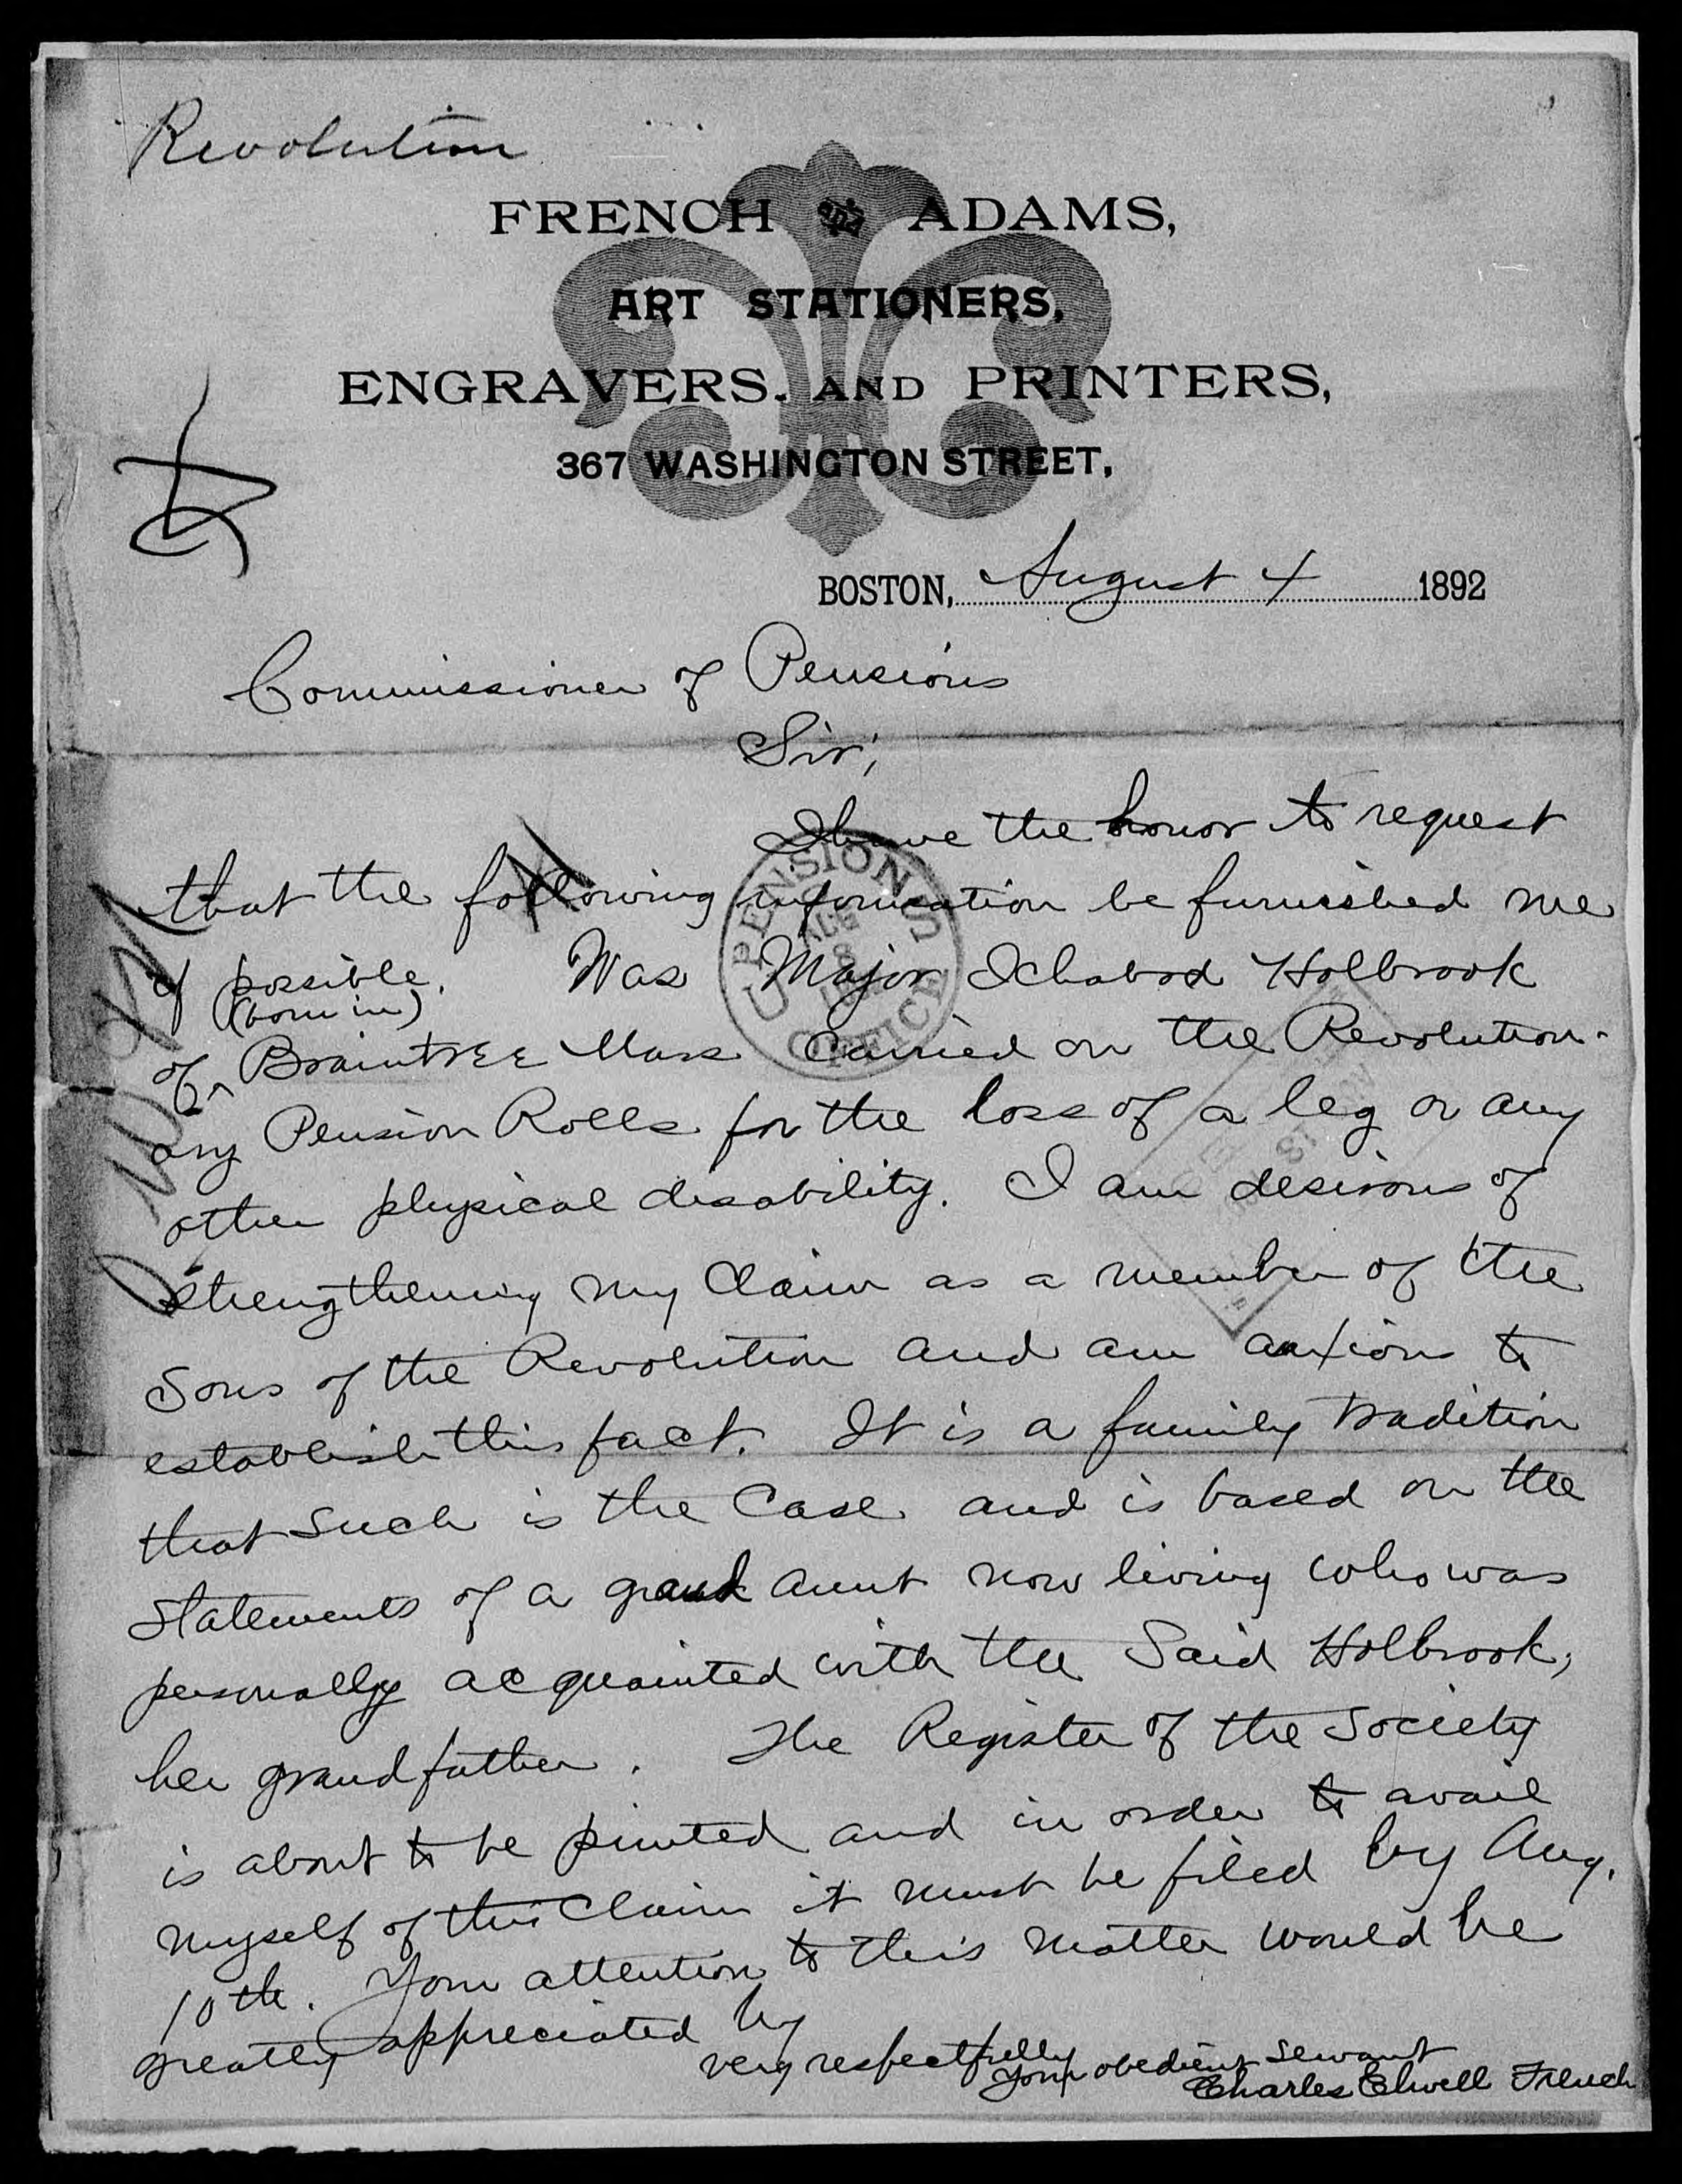Revolution

FRENCH and ADAMS,
ART STATIONERS,
ENGRAVERS, AND PRINTERS,
367 WASHINGTON STREET,

BOSTON, August 4 1892

Commissioner of Pensions

Sir;

I have the honor to request that the following information be furnished me if possible. Was Major Ichabod Holbrook of (born in) Braintree Mass carried on the Revolutionary Pension Rolls for the loss of a leg or any other physical disability. I am desirous of strengthening my claim as a member of the Sons of the Revolution and am anxious to establish this fact. It is a family tradition that such is the case and is based on the statements of a grand aunt now living who was personally acquainted with the said Holbrook, her grandfather. The Register of the Society is about to be printed and in order to avail myself of this claim it must be filed by Aug. 10th.  Your attention to this matter would be greatly appreciated by

very respectfully
Your obedient servant
Charles Elwell French

[superimposed stamp]
U S PENSION OFFICE
AUG 8 1892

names: Charles Elwell French, Ichabod Holbrook, Holbrook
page: 15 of 15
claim: survivor's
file: S. 32,852, Ichabod Holbrook, Continental Mass.